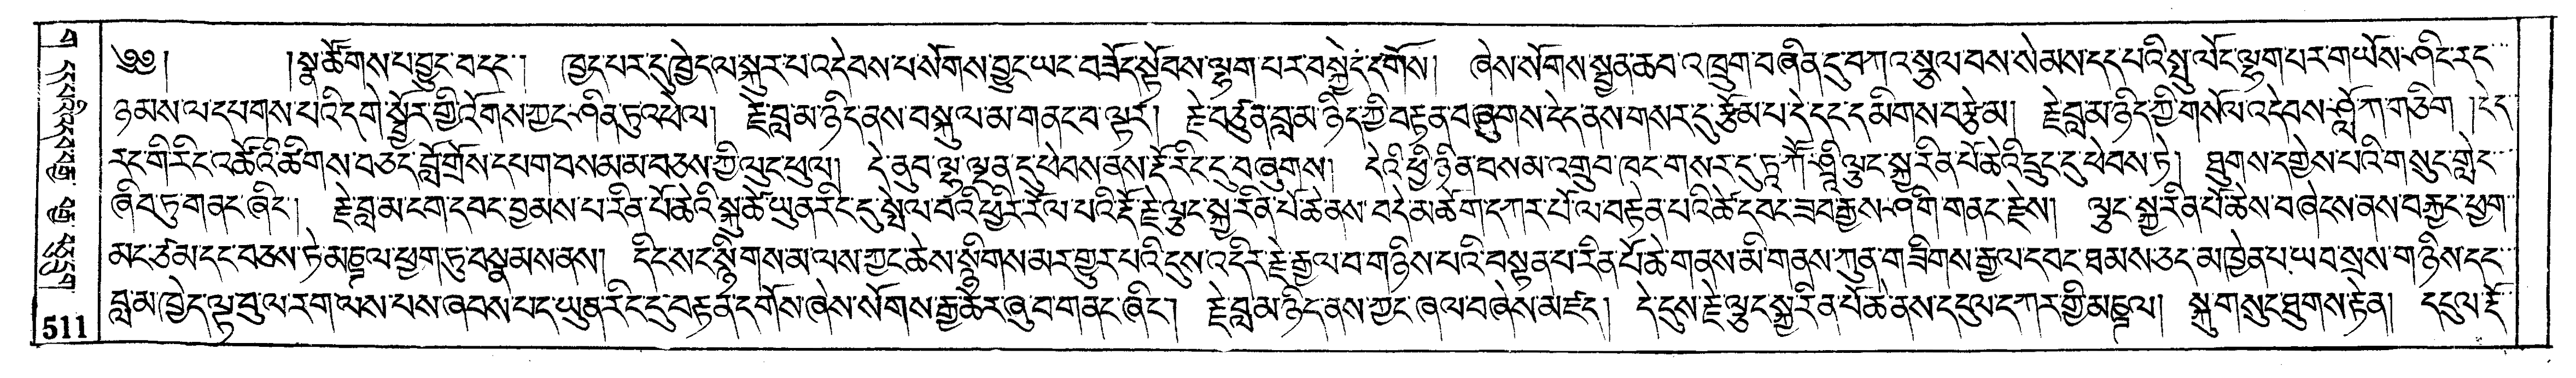༄༅། །སྣ་ཚོགས་པ་བྱུང་བ་དང་། ཁྱད་པར་དུ་ཁྱེད་ལ་སྐུར་པ་འདེབས་པ་སོགས་བྱུང་ཡང་བཟོད་སྟོབས་ལྷག་པར་བསྐྱེད་དགོས། ཞེས་སོགས་སྤྱན་ཆབ་འཁྲུག་བཞིན་དུ་བཀའ་སྩལ་བས་སེམས་དད་པའི་སྤུ་ལོང་ལྷག་པར་གཡོས་ཤིང་རང་
ཉམས་ལ་དཔགས་པའི་དགེ་སྦྱོར་གྱི་བོགས་ཀྱང་ཤིན་ཏུ་འཕེལ། རྗེ་བླ་མ་ཉིད་ནས་བསྐུལ་མ་གནང་བ་ལྟར། རྗེ་བཙུན་བླ་མ་ཉིད་ཀྱི་བརྟན་བཞུགས་དེད་ནས་གསར་དུ་རྩོམ་པ་དེ་དང་དམིགས་བརྩེམ། རྗེ་བླ་མ་ཉིད་ཀྱི་གསོལ་འདེབས་ཤླཽ་ཀ་གཅིག །ངེད་
རང་གི་རིང་འཚོའི་ཚིགས་བཅད་བློ་གྲོས་དཔག་བསམ་མ་བཅས་ཀྱི་ལུང་ཕུལ། དེ་ནུབ་ལྷ་ལྡན་དུ་ཕེབས་ནས་རྡོ་རིང་དུ་བཞུགས། དེའི་ཕྱི་ཉིན་བསམ་འགྲུབ་ཁང་གསར་དུ་ཏཱ་ཀཽ་ཤྲཱི་ལྕང་སྐྱ་རིན་པོ་ཆེའི་དྲུང་དུ་ཕེབས་ཏེ། ཐུགས་དགྱེས་པའི་གསུང་གླེང་
ཞིབ་ཏུ་གནང་ཞིང་། རྗེ་བླ་མ་ངག་དབང་བྱམས་པ་རིན་པོ་ཆེའི་སྐུ་ཚེ་ཡུན་རིང་དུ་སྤེལ་བའི་ཕྱིར་རོལ་བའི་རྡོ་རྗེ་ལྕང་སྐྱ་རིན་པོ་ཆེ་ནས་བདེ་མཆོག་དཀར་པོ་ལ་བརྟེན་པའི་ཚེ་དབང་ཟབ་རྒྱས་ཤིག་གནང་རྗེས། ལྕང་སྐྱ་རིན་པོ་ཆེས་བཞེངས་ནས་བརྐྱད་ཕྱག་
མང་ཙམ་དང་བཅས་ཏེ་མཎྜལ་ཕྱག་ཏུ་བསྣམས་ནས། དིང་སང་སྙིགས་མ་ལས་ཀྱང་ཆེས་སྙིགས་མར་གྱུར་པའི་དུས་འདིར་རྗེ་རྒྱལ་བ་གཉིས་པའི་བསྟན་པ་རིན་པོ་ཆེ་གནས་མི་གནས་ཀུན་གཟིགས་རྒྱལ་དབང་ཐམས་ཅད་མཁྱེན་པ་ཡབ་སྲས་གཉིས་དང་
བླ་མ་ཁྱེད་ལྟ་བུ་ལ་རག་ལས་པས་ཞབས་པད་ཡུན་རིང་དུ་བརྟན་དགོས་ཞེས་སོགས་རྒྱ་ཆེར་ཞུ་བ་གནང་ཞིང་། རྗེ་བླ་མ་ཉིད་ནས་ཀྱང་ཞལ་བཞེས་མཛད། དེ་དུས་རྗེ་ལྕང་སྐྱ་རིན་པོ་ཆེ་ནས་དངུལ་དཀར་གྱི་མཎྜལ། སྐུ་གསུང་ཐུགས་རྟེན། དངུལ་རྡོ་